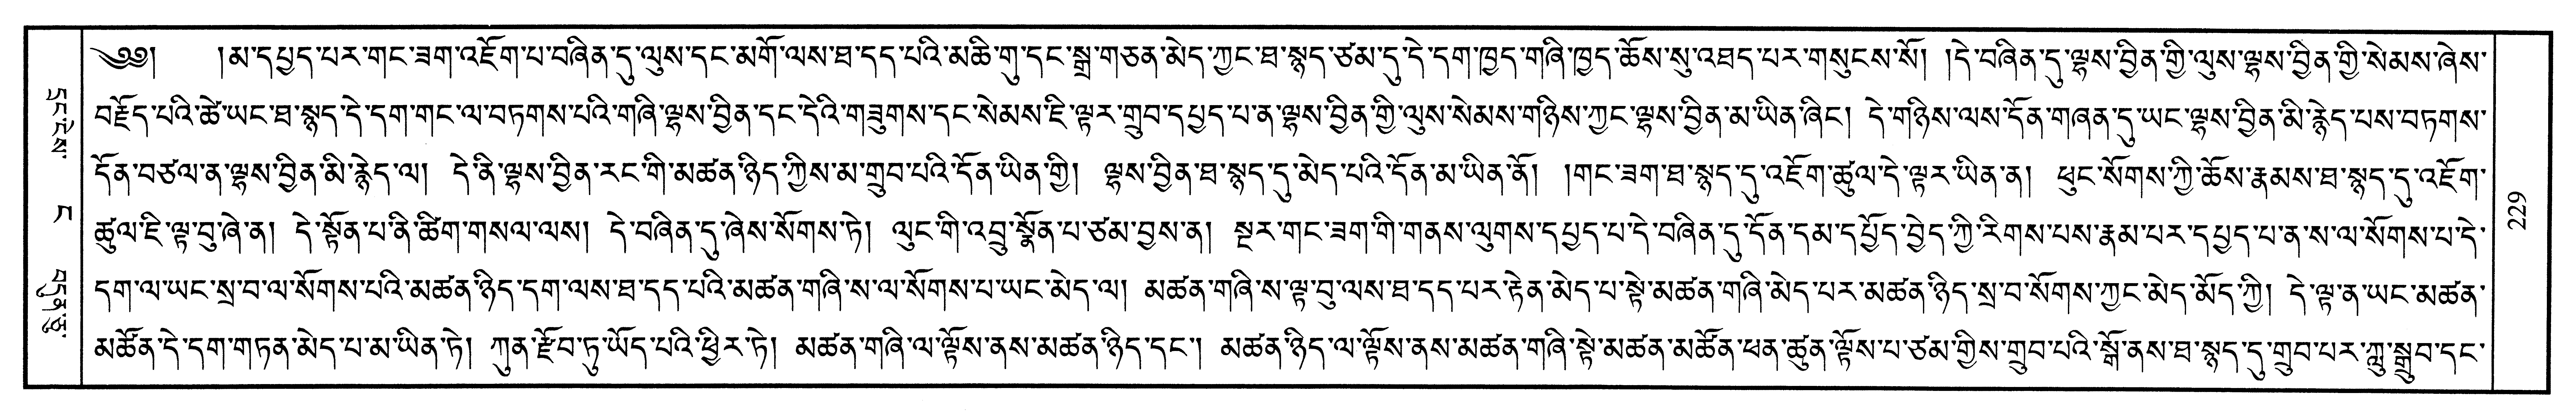༄༅། །མ་དཔྱད་པར་གང་ཟག་འཇོག་པ་བཞིན་དུ་ལུས་དང་མགོ་ལས་ཐ་དད་པའི་མཆི་གུ་དང་སྒྲ་གཅན་མེད་ཀྱང་ཐ་སྙད་ཙམ་དུ་དེ་དག་ཁྱད་གཞི་ཁྱད་ཆོས་སུ་འཐད་པར་གསུངས་སོ། །དེ་བཞིན་དུ་ལྷས་བྱིན་གྱི་ལུས་ལྷས་བྱིན་གྱི་སེམས་ཞེས་
བརྗོད་པའི་ཚེ་ཡང་ཐ་སྙད་དེ་དག་གང་ལ་བཏགས་པའི་གཞི་ལྷས་བྱིན་དང་དེའི་གཟུགས་དང་སེམས་ཇི་ལྟར་གྲུབ་དཔྱད་པ་ན་ལྷས་བྱིན་གྱི་ལུས་སེམས་གཉིས་ཀྱང་ལྷས་བྱིན་མ་ཡིན་ཞིང་། དེ་གཉིས་ལས་དོན་གཞན་དུ་ཡང་ལྷས་བྱིན་མི་རྙེད་པས་བཏགས་
དོན་བཙལ་ན་ལྷས་བྱིན་མི་རྙེད་ལ། དེ་ནི་ལྷས་བྱིན་རང་གི་མཚན་ཉིད་ཀྱིས་མ་གྲུབ་པའི་དོན་ཡིན་གྱི། ལྷས་བྱིན་ཐ་སྙད་དུ་མེད་པའི་དོན་མ་ཡིན་ནོ། །གང་ཟག་ཐ་སྙད་དུ་འཇོག་ཚུལ་དེ་ལྟར་ཡིན་ན། ཕུང་སོགས་ཀྱི་ཆོས་རྣམས་ཐ་སྙད་དུ་འཇོག་
ཚུལ་ཇི་ལྟ་བུ་ཞེ་ན། དེ་སྟོན་པ་ནི་ཚིག་གསལ་ལས། དེ་བཞིན་དུ་ཞེས་སོགས་ཏེ། ལུང་གི་འབྲུ་སྣོན་པ་ཙམ་བྱས་ན། སྔར་གང་ཟག་གི་གནས་ལུགས་དཔྱད་པ་དེ་བཞིན་དུ་དོན་དམ་དཔྱོད་བྱེད་ཀྱི་རིགས་པས་རྣམ་པར་དཔྱད་པ་ན་ས་ལ་སོགས་པ་དེ་
དག་ལ་ཡང་སྲ་བ་ལ་སོགས་པའི་མཚན་ཉིད་དག་ལས་ཐ་དད་པའི་མཚན་གཞི་ས་ལ་སོགས་པ་ཡང་མེད་ལ། མཚན་གཞི་ས་ལྟ་བུ་ལས་ཐ་དད་པར་རྟེན་མེད་པ་སྟེ་མཚན་གཞི་མེད་པར་མཚན་ཉིད་སྲ་བ་སོགས་ཀྱང་མེད་མོད་ཀྱི། དེ་ལྟ་ན་ཡང་མཚན་
མཚོན་དེ་དག་གཏན་མེད་པ་མ་ཡིན་ཏེ། ཀུན་རྫོབ་ཏུ་ཡོད་པའི་ཕྱིར་ཏེ། མཚན་གཞི་ལ་ལྟོས་ནས་མཚན་ཉིད་དང་། མཚན་ཉིད་ལ་ལྟོས་ནས་མཚན་གཞི་སྟེ་མཚན་མཚོན་ཕན་ཚུན་ལྟོས་པ་ཙམ་གྱིས་གྲུབ་པའི་སྒོ་ནས་ཐ་སྙད་དུ་གྲུབ་པར་ཀླུ་སྒྲུབ་དང་